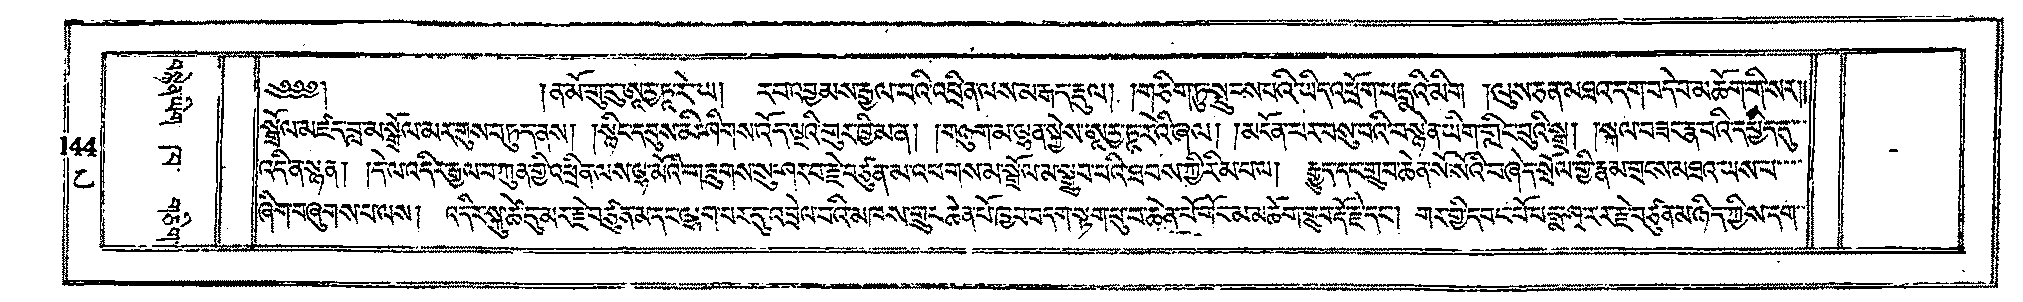༄༅༅། །ན་མོ་གུ་རུ་ཨཱརྱ་ཏཱ་རེ་ཡ། རབ་འབྱམས་རྒྱལ་བའི་འཕྲིན་ལས་མ་རྒད་རྡུལ། །གཅིག་ཏུ་སྤུངས་པའི་ཡིད་འཕྲོག་པདམའི་མིག །ལུས་ཅན་མཐའ་དག་བདེ་བ་མཆོག་གི་སར།།
སྒྲོལ་མཛད་བླ་མ་སྒྲོལ་མར་གུས་བཏུད་ནས། །སྙིང་དབུས་མི་ཤིགས་འོད་ལྔའི་གུར་ཁྱིམ་ན། །གཉུག་མ་ལྷན་སྐྱེས་ཨཱརྱ་ཏཱ་རེའི་ཞལ། །མངོན་པར་བསུ་བའི་བསྙེན་ཡིག་གླིང་བུའི་སྒྲ། །སྐལ་བཟང་རྣ་བའི་དཔྱིད་དུ་་་
འདི་ན་སྙན། །དེ་ལ་འདིར་རྒྱལ་བ་ཀུན་གྱི་འཕྲིན་ལས་ལྷ་མོའི་གཟུགས་སུ་ཤར་བ་རྗེ་བཙུན་མ་འཕགས་མ་སྒྲོལ་མ་སྒྲུབ་པའི་ཐབས་ཀྱི་རིམ་པ་ལ། རྒྱུད་དང་གྲུབ་ཆེན་སོ་སོའི་བཞེད་སྲོལ་གྱི་རྣམ་གྲངས་མཐའ་ཡས་པ་་་
ཞིག་བཞུགས་པ་ལས། འདིར་སྐུ་ཚེ་དུ་མར་རྗེ་བཙུན་མ་དང་ལྷག་པར་དུ་འབྲེལ་བའི་མཁས་གྲུབ་ཆེན་པོ་ཁྱབ་བདག་སྟག་ཕུ་བ་ཆེན་པོ་གོང་མ་མཆོག་གྲུབ་རྡོ་རྗེ་དང་། གར་གྱི་དབང་པོ་པདམ་ཤྭ་རར་རྗེ་བཙུན་མ་ཉིད་ཀྱིས་དག་་་